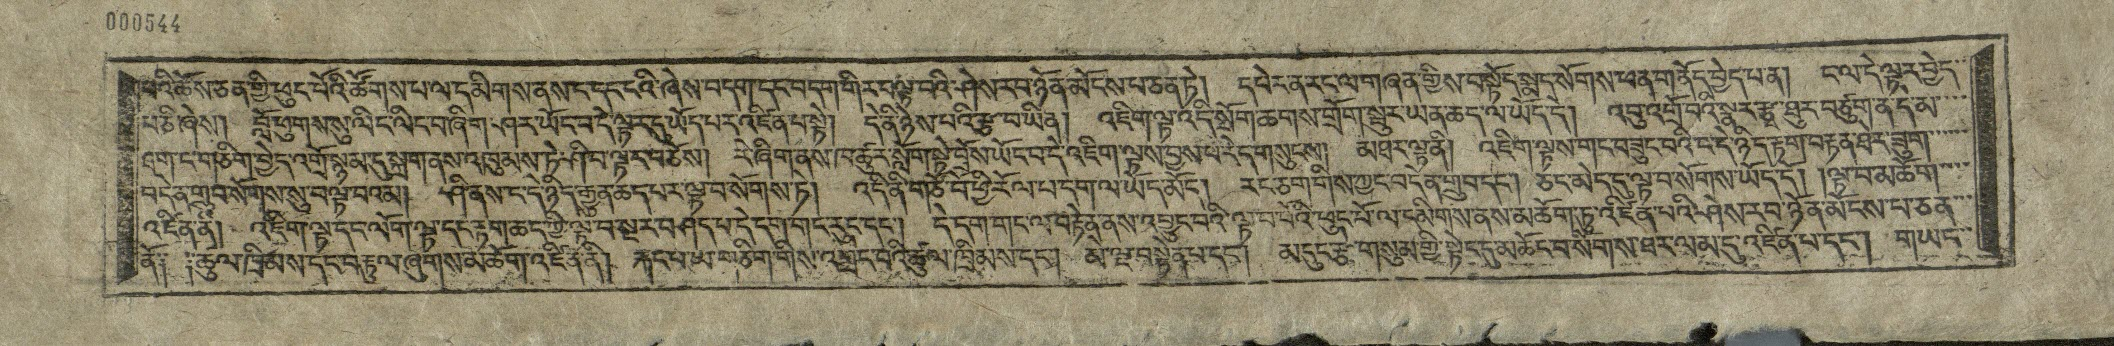པའི་ཆོས་ཅན་གྱི་ཕུང་པོའི་ཚོགས་པ་ལ་དམིགས་ནས་ང་དང་ངའི་ཞེས་བདག་དང་བདག་གིར་བལྟ་བའི་ཤེས་རབ་ཉོན་མོངས་པ་ཅན་ཏེ། དཔེར་ན་རང་ལ་གཞན་གྱིས་བསྟོད་སྨད་སོགས་ཕན་གནོད་བྱེད་པ་ན། ང་ལ་དེ་ལྟར་བྱེད་
པ་ཅི་ཞེས། བློ་ཕུགས་སུ་ལིང་ལིང་བ་ཞིག་ཤར་ཡོང་བ་དེ་ལྟར་དུ་ཡོད་པར་འཛིན་པ་སྟེ། དེ་ནི་ཉེས་པའི་རྩ་བ་ཡིན། འཇིག་ལྟ་འདི་སྲོག་ཆགས་གྲོག་སྦུར་ཡན་ཆད་ལ་ཡོད་དེ། འབུ་འགྲོ་བའི་སྣར་རྩ་ཐུར་བཙུག་ན་དེ་མ་
ཐག་ང་གཅིག་བྱེད་འགྲོ་སྙམ་དུ་སྐྲག་ནས་འཁུམས་ཏེ་ཤི་བ་ལྟར་བཅོས། རེ་ཞིག་ནས་ཁ་ཚུར་སློག་སྟེ་བྲོས་ཡོང་བ་དེ་འཇིག་ལྟས་བྱས་པ་རེད་གསུངས། མཐར་ལྟ་ནི། འཇིག་ལྟས་གང་བཟུང་བའི་ང་དེ་ཉིད་རྟག་བརྟན་ཐེར་ཟུག་
བདེན་གྲུབ་སོགས་སུ་བལྟ་བའམ། ཤི་ནས་ང་དེ་ཉིད་རྒྱུན་ཆད་པར་ལྟ་བ་སོགས་ཏེ། འདི་ནི་གཙོ་བོ་ཕྱི་རོལ་པ་དག་ལ་ཡོད་མོད། རང་ཅག་གིས་ཀྱང་བདེན་གྲུབ་དང་། ཅང་མེད་དུ་ལྟ་བ་སོགས་ཡོད་དོ། །ལྟ་བ་མཆོག་
འཛིན་ནི། འཇིག་ལྟ་དང་ལོག་ལྟ་དང་རྟག་ཆད་ཀྱི་ལྟ་བ་སྔར་བཤད་པ་དེ་དག་གང་རུང་དང་། དེ་དག་གང་ལ་བརྟེན་ནས་འབྱུང་བའི་ལྟ་བ་པོའི་ཕུང་པོ་ལ་དམིགས་ནས་མཆོག་ཏུ་འཛིན་པའི་ཤེས་རབ་ཉོན་མོངས་པ་ཅན་
ནོ༑ ༑ཚུལ་ཁྲིམས་དང་བརྟུལ་ཞུགས་མཆོག་འཛིན་ནི། རྐང་པ་ཡ་གཅིག་གིས་འགྲེང་བའི་ཚུལ་ཁྲིམས་དང་། མེ་ལྔ་བསྟེན་པ་དང་། མདུང་རྩེ་གསུམ་གྱི་སྟེང་དུ་མཆོང་བ་སོགས་ཐར་ལམ་དུ་འཛིན་པ་དང་། གཡང་